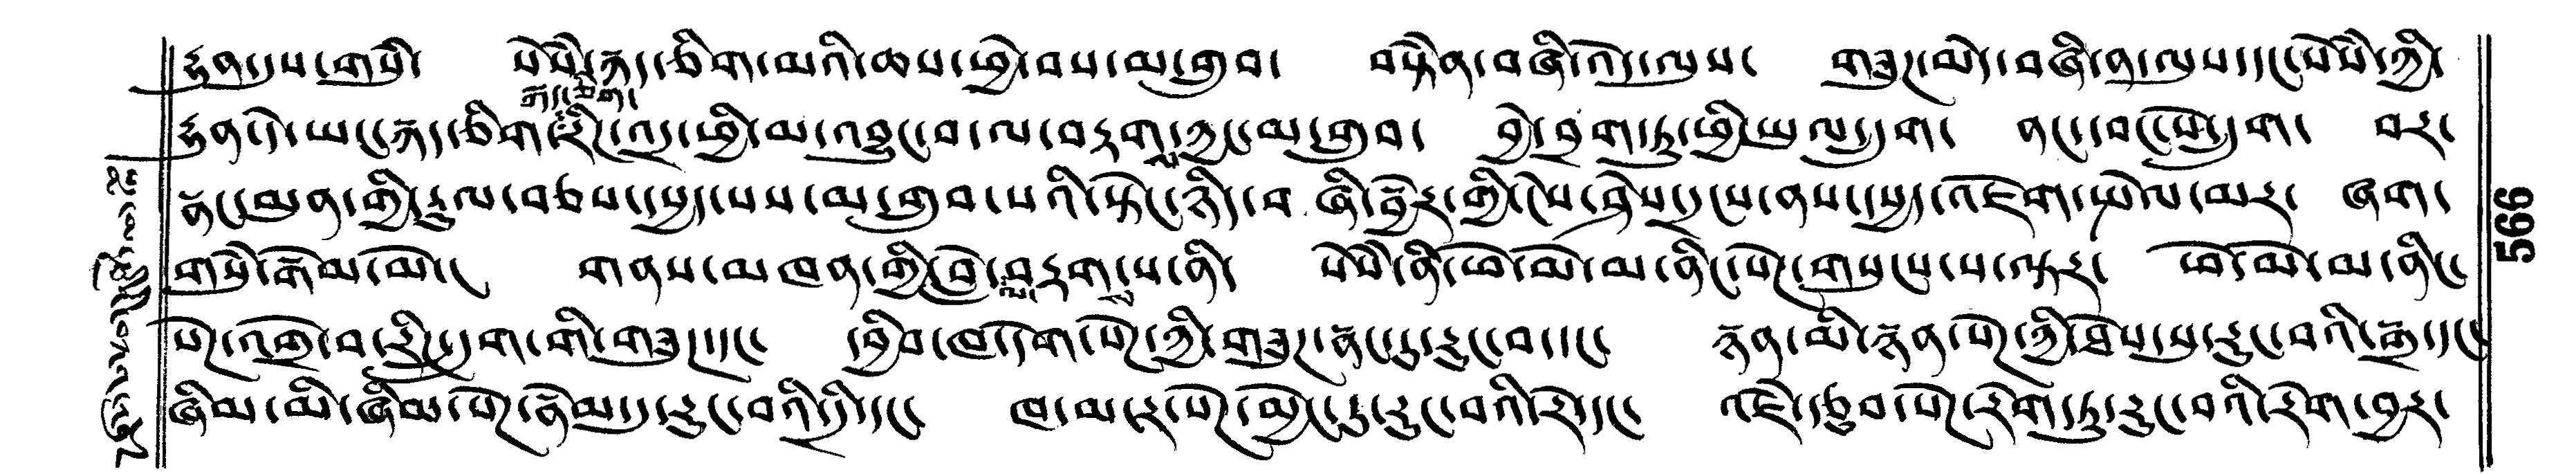རྒྱུན་དུས་གསུམ། སེམས་སྐད་ཅིག་མའི་ཆས་ཕྱེ་བས་མ་གྲུབ། བསམ་གཏན་བཞི་འོད་ལུས། གཟུགས་མེད་བཞི་ན་ལུས་དང་སེམས་ཀྱི་
རྒྱུན་དེ་ཡང་སྐད་ཅིག་སྐད་ཅིག་གི་རིགས་འདྲ་ཕྱི་མ་འབྱུང་བ་ལ་བརྟགས་ཀྱང་མ་གྲུབ། བྱེ་བྲག་ཏུ་ཕྱི་ཡུལ་དྲུག ནང་དབང་པོ་དྲུག བར་
སྣང་མུན་གྱི་རྡུལ་བཅས་དཔྱད་པས་མ་གྲུབ་པ་སྟོང་ཉིད་བཞི་སྦྱོར་གྱིས་ངེས་ཤེས་དྲངས་ནས་དཔྱད་འཇོག་སྤེལ་མར་ཞག་
གསུམ་སྒོམ་མོ། གནས་མཁན་གྱི་བློ་ལ་བརྟགས་པ་ནི། སེམས་ནི་ཕོ་མོ་མ་ནིང་སོགས་གསུངས་པ་ལྟར། ཕོ་མོ་མ་ནིང་
སོགས་འགྲོ་བ་རིགས་དྲུག་གི་གཟུགས་དང་། དབྱིབས་ཁ་དོག་སོགས་ཀྱི་གཟུགས་སྣང་དུ་རུང་བ་དང་། སྙན་མི་སྙན་སོགས་ཀྱི་ཐོས་སུ་རུང་བའི་སྒྲ་དང་
ཞིམ་མི་ཞིམ་སོགས་སྣོམ་དུ་རུང་བའི་དྲི་དང་། ཁ་མངར་སོགས་མྱོང་དུ་རུང་བའི་རོ་དང་། འཇམ་རྩུབ་སོགས་རེག་ཏུ་རུང་བའི་རེག་བྱར་